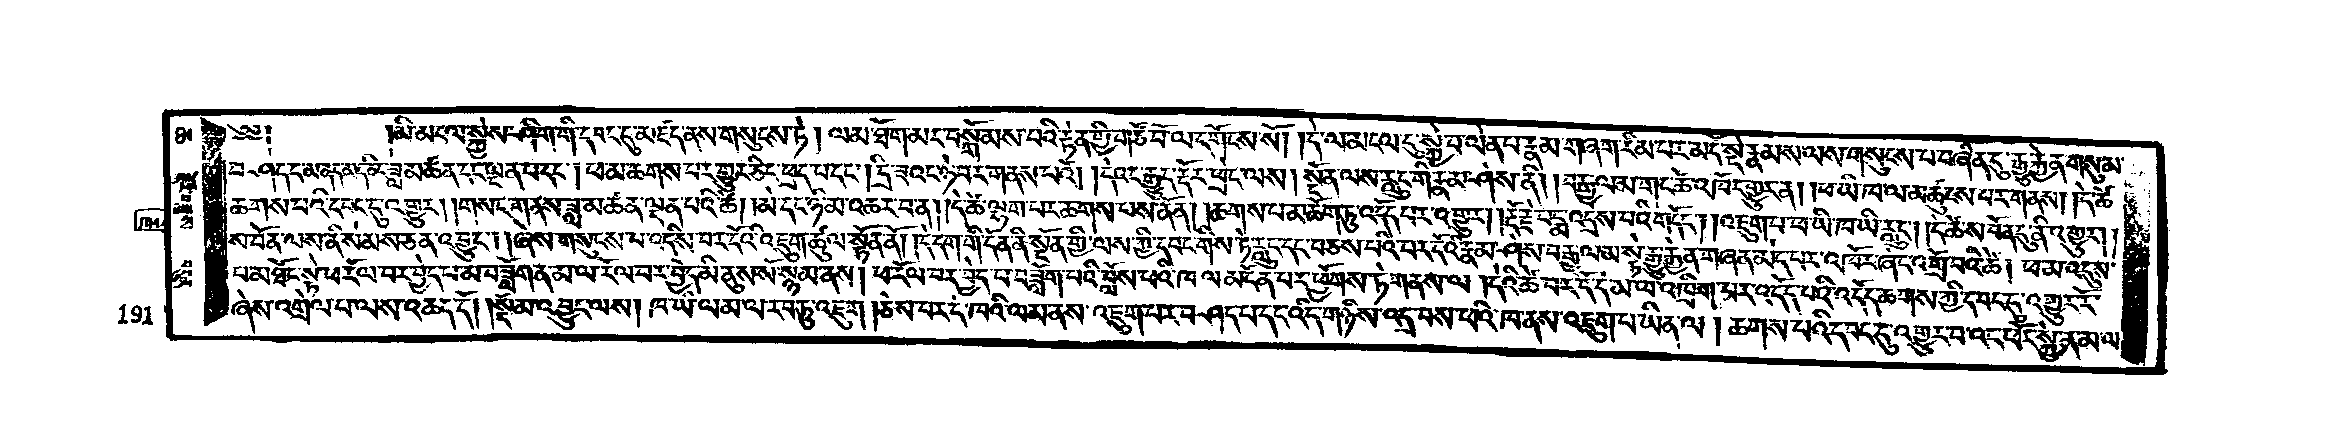༄༅། །མི་མངལ་སྐྱེས་ཤིག་གི་དབང་དུ་མཛད་ནས་གསུངས་ཏེ། ལམ་ཐོག་མར་བསྒོམས་པའི་རྟེན་གྱི་གཙོ་བོ་ལ་དགོངས་སོ། །དེ་ལ་མངལ་དུ་སྐྱེ་བ་ལེན་པ་རྣམ་གཞག་རིམ་པར་མདོ་སྡེ་རྣམས་ལས་གསུངས་པ་བཞིན་དུ་རྒྱུ་རྐྱེན་གསུམ་
བཤད་དེ་མ་ནད་མད་ཅིང་ཟླ་མཚན་དང་ལྡན་པ་དང་། ཕ་མ་ཆགས་པར་གྱུར་ཅིང་ཕྲད་པ་དང་། དྲི་ཟའང་ཉེ་བར་གནས་པའོ། །དེའང་རྒྱུད་རྡོར་ཕྲེང་ལས། སྔོན་ལས་རླུང་གི་རྣམ་ཤེས་ནི། །བརྒྱ་ལམ་གང་ཚེ་འཁོར་གྱུར་ན། །ཕ་ཡི་ཁ་ལ་མཚུངས་པར་གནས། །དེ་ཚེ་
ཆགས་པའི་དབང་དུ་འགྱུར། །གསང་གནས་ཟླ་མཚན་ལྡན་པའི་ཚེ། །མེ་དང་ཉི་མ་འཆར་བ་ན། །དེ་ཚེ་ལྷག་པར་ཆགས་པས་ནོན། །ཆགས་པ་མཆོག་ཏུ་འདོད་པར་འགྱུར། །རྡོ་རྗེ་པདམ་འདྲེས་པའི་གདོང་། །འཇུག་པ་ཕ་ཡི་ཁ་ཡི་རླུང་། །དེ་ཚེ་ས་བོན་དུ་ནི་འགྱུར། །
ས་བོན་ལས་ནི་སེམས་ཅན་འབྱུང་། །ཞེས་གསུངས་པ་འདིས་བར་དོའི་འཇུག་ཚུལ་སྟོན་ནོ། །དེ་དག་གི་དོན་ནི་སྔོན་གྱི་ལས་ཀྱི་དབང་གིས་ཏེ་རླུང་དང་བཅས་པའི་བར་དོའི་རྣམ་ཤེས་བརྒྱ་ལམ་སྟེ་རྒྱུ་རྐྱེན་གཞན་མེད་པར་འཁོར་ཞིང་འགྲོ་བའི་ཚེ། ཕ་མ་འདུས་
པ་མཐོང་སྟེ་ཕ་རོལ་བར་བྱེད་པ་མ་བཟློག་ན་མ་ལ་རོལ་བར་བྱེད་མི་ནུས་སོ་སྙམ་ནས། ཕ་རོལ་པར་བྱེད་པ་བཟློག་པའི་བློས་ཕའི་ཁ་ལ་མངོན་པར་ཕྱོགས་ཏེ་གནས་ལ། དེའི་ཚེ་བར་དོ་དེ་མ་ལ་འཁྲིག་པར་འདོད་པའི་འདོད་ཆགས་ཀྱི་དབང་དུ་འགྱུར་རོ་
ཞེས་འགྲེལ་པ་ལས་འཆད་དོ། །སྡོམ་འབྱུང་ལས། ཁ་ཡི་ལམ་ལ་རབ་ཏུ་འཇུག །ཅེས་བར་དོ་ཁའི་ལམ་ནས་འཇུག་པར་བཤད་པ་དང་འདི་གཉིས་འདྲ་བས་ཕའི་ཁ་ནས་འཇུག་པ་ཡིན་ལ། ཆགས་པའི་དབང་དུ་འགྱུར་བ་འང་ཕོར་སྐྱེ་ན་མ་ལ་